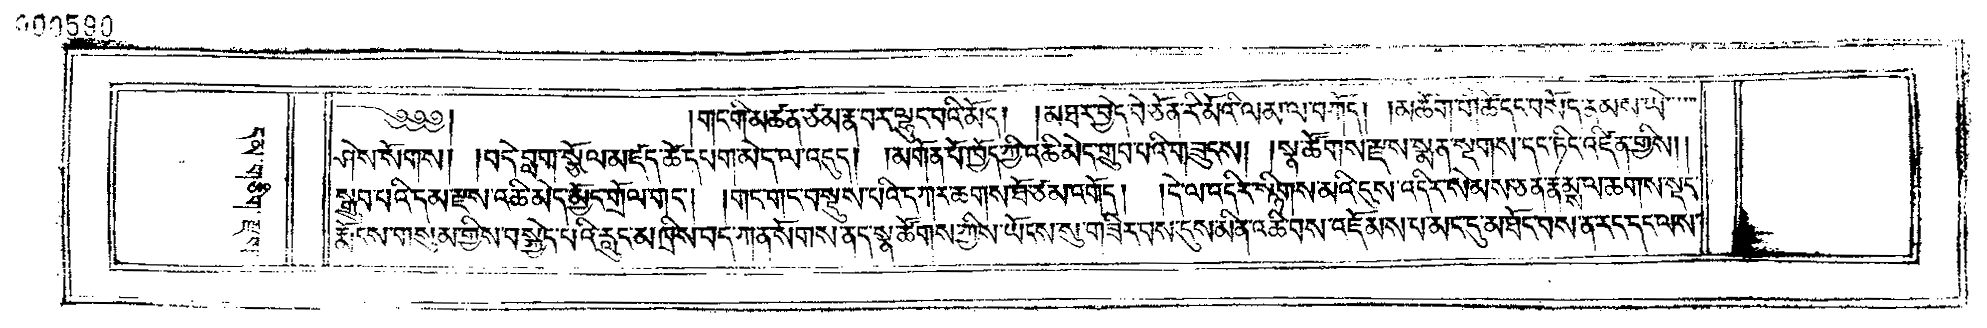༄༅༅། །གང་གི་མཚན་ཙམ་རྣ་བར་ལྷུང་བའི་མོད། །མཐར་བྱེད་བེ་ཅོན་རི་མོའི་ལམ་ལ་བཀོད། །མཆོག་གི་ཚེ་དང་བསོད་ནམས་ཡེ་
ཤེས་སོགས། །བདེ་བླག་སྩོལ་མཛད་ཚེ་དཔག་མེད་ལ་འདུད། །མགོན་པོ་ཁྱོད་ཀྱི་འཆི་མེད་གྲུབ་པའི་གཟུངས། །སྣ་ཚོགས་རྫས་སྨན་སྔགས་དང་ཏིང་འཛིན་གྱིས། །
སྒྲུབ་པའི་དམ་རྫས་འཆི་མེད་མྱོང་གྲོལ་གང་། །གང་གང་བསྡུས་པའི་དཀར་ཆགས་ཐོ་ཙམ་འགོད། །དེ་ལ་འདིར་སྙིགས་མའི་དུས་འདིར་སེམས་ཅན་རྣམས་ལ་ཆགས་སྡང་
རྨོངས་གསུམ་གྱིས་བསྐྱེད་པའི་རླུང་མཁྲིས་པད་ཀན་སོགས་ནད་སྣ་ཚོགས་ཀྱིས་ཡོངས་སུ་གཟིར་བས་དུས་མིན་འཆི་བས་འཇོམས་པ་མང་དུ་མཐོང་བས་ན་རང་དང་ལས་